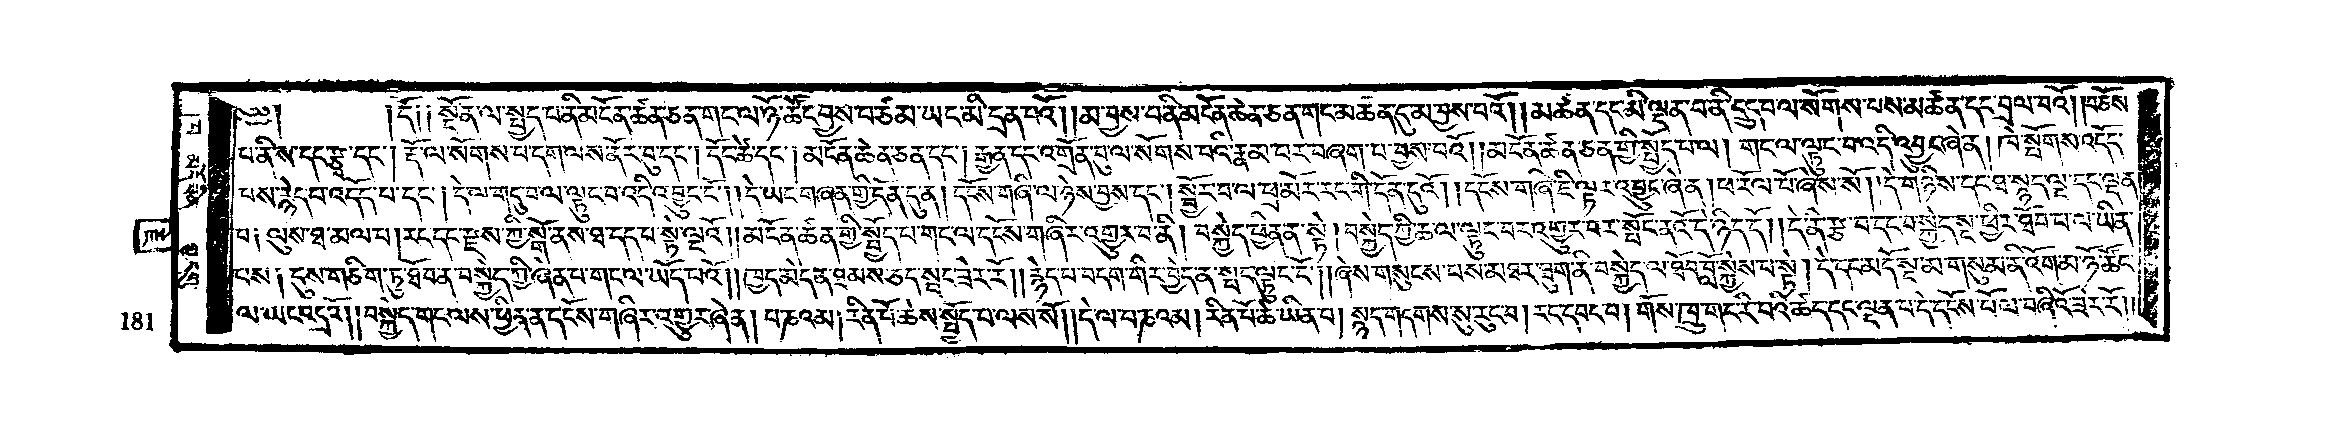༄༅། །དོ། །སྔོན་ལ་སྤྱད་པ་ནི་མངོན་ཚན་ཅན་གང་ལ་ཉོ་ཚོང་བྱས་པ་ཙམ་ཡང་མི་དྲན་པའོ། །མ་བྱས་པ་ནི་མངོན་ཚོན་ཅན་གང་མཚོན་དུ་མ་བྱས་པའོ། །མཚེན་དང་མི་ལྡན་པ་ནི་དྲུད་པ་ལ་སོགས་པས་མཚན་དང་བྲལ་བའོ། །བཅོས་
པ་ནི་ས་དང་རྩྭ་དང་། རྡོ་ལ་སོགས་པ་དག་ལས་ནོར་བུ་དང་། དོང་ཚེ་དང་། མངོན་ཆེན་ཅན་དང་། རྒྱན་དང་འགྲོན་བུ་ལ་སོགས་པའི་རྣམ་པར་བཞག་པ་བྱས་པའོ། །མངོན་ཚན་ཅན་གྱི་སྤྱོད་པ་ལ། གང་ལ་ལྟུང་བ་འདི་འབྱུང་ཞེ་ན། ཁེ་སྤོགས་འདོད་
པས་རྙེད་པ་འདོད་པ་དང་། དེ་ལ་གདུ་བ་ལ་ལྟུང་བ་འདི་འབྱུང་ངོ། །དེ་ཡང་གཞན་གྱི་དོན་དུ་ན། དངོས་གཞི་ལ་ཉེས་བྱས་དང་། སྦྱོར་བ་ལ་ཕྲ་མོར་རང་གི་དོན་དུའོ། །དངོས་གཞི་ཇི་ལྟར་འབྱུང་ཞེ་ན། ཕ་རོལ་པོ་ཞེས་སོ། །དེ་གཉིས་དང་ཐ་སྙད་ལྔ་དང་ལྡན་
པ། ལུས་ཐ་མལ་པ། རང་དང་རྫས་ཀྱི་སྒོ་ནས་ཐ་དད་པ་སྟེ་ལྔའོ། །མངོན་ཆེན་གྱི་སྤྱོད་པ་གང་ལ་དངོས་གཞིར་འགྱུར་བ་ནི། བསྐྱེད་ཕྱིན་ན་སྟེ། བསྐྱེད་ཀྱི་ཆ་ལ་ལྟུང་བར་འགྱུར་བར་སྤོང་ནའོ་དེ་ཉིད་དོ། །དེ་ནི་རྩ་བ་དང་བ་སྐྱེད་སྔ་ཕྱིར་ཐོབ་པ་ལ་ཡིན་
པས། དུས་གཅིག་ཏུ་ཐོབ་ན་བསྐྱེད་ཀྱི་ཞེན་པ་གང་ལ་ཡོད་པའོ། །ཁྱད་མེད་ན་ཐམས་ཅད་སྤང་ཟེར་རོ། །རྙེད་པ་བདག་གིར་བྱེད་ན་སྤང་ལྟུང་ངོ། །ཞེས་གསུངས་པས་མཐར་ཐུག་ནི་བསྐྱེད་ལ་ཐོབ་བློ་སྐྱེས་པ་སྟེ། དེ་དང་མདོ་སྔ་མ་གསུམ་ནི་འོག་མ་ཉོ་ཚོང་
ལ་ཡང་འདྲའོ། །བསྐྱེད་གང་ལས་ཕྱིན་ན་དངོས་གཞིར་འགྱུར་ཞེ་ན། པ་ཎའམ། རིན་པོ་ཆེས་སྤྱོད་པ་ལས་སོ། །དེ་ལ་པ་ཎའམ། རིན་པོ་ཆེ་ཡིན་པ། སྙད་གདགས་སུ་རུང་བ། རང་དབང་བ། གོས་ཁྲུ་གང་རི་པའི་ཚད་དང་ལྡན་པ་དེ་དངོས་པོ་ལ་བཞིའོ་ཟེར་རོ། །